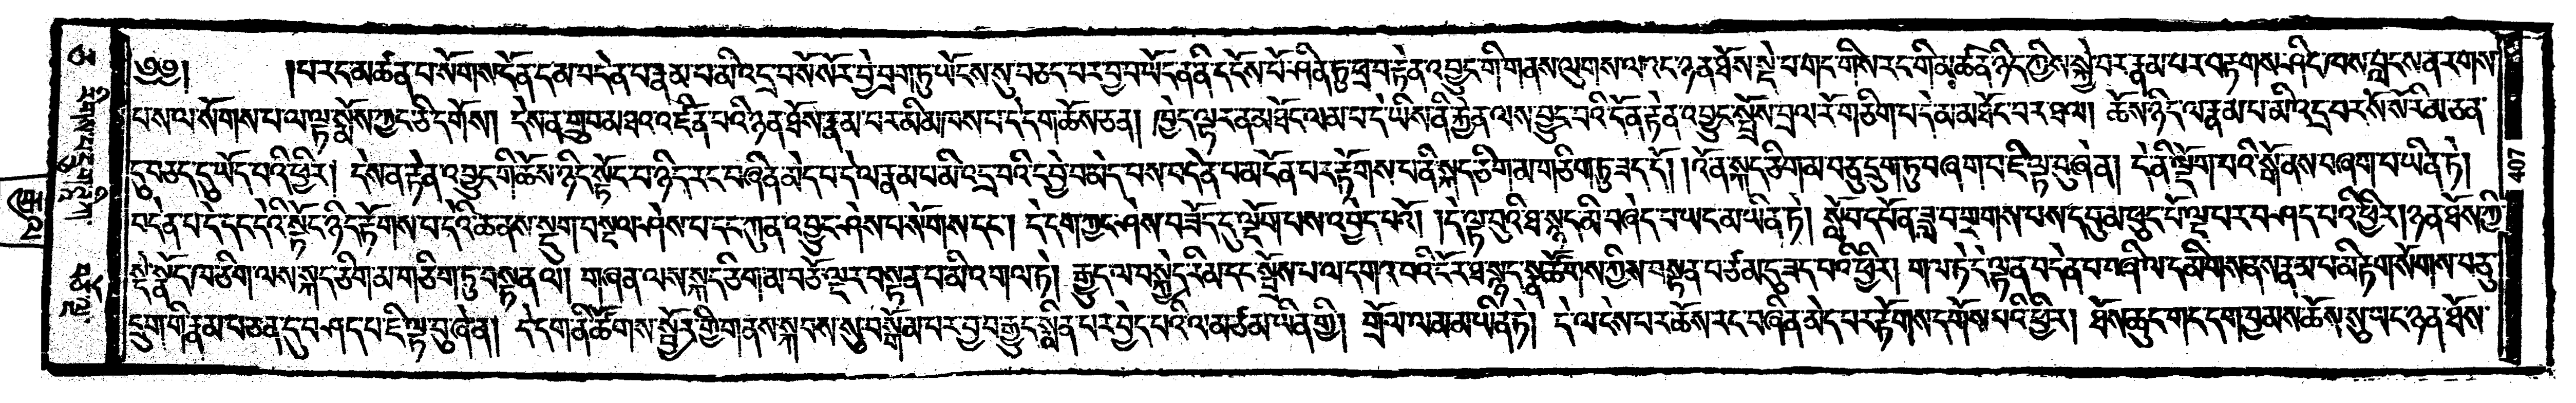༄༅། །པ་རང་མཚན་པ་སོགས་དོན་དམ་བདེན་པ་རྣམ་པ་མི་འདྲ་བ་སོ་སོར་བྱེ་བྲག་ཏུ་ཡོངས་སུ་བཅད་པར་བྱ་བ་ཡོད་ན་ནི་དངོས་པོ་ཤིན་ཏུ་ཕྲ་བ་རྟེན་འབྱུང་གི་གནས་ལུགས་ལའང་ཉན་ཐོས་སྡེ་པ་གང་གིས་རང་གི་མཚན་ཉིད་ཀྱིས་སྐྱེ་བར་རྣམ་པར་བརྟགས་ཤིང་ཁས་བླངས་ན་རགས་
པས་ལ་སོགས་པ་ལ་ལྟ་སྨོས་ཀྱང་ཅི་དགོས། དེས་ན་གྲུབ་མཐའ་འཛིན་པའི་ཉན་ཐོས་རྣམ་པར་མི་མཁས་པ་དེ་དག་ཆོས་ཅན། ཁྱེད་ལྟར་ན་མཐོང་ལམ་པ་དེ་ཡིས་ནི་རྐྱེན་ལས་བྱུང་བའི་དོན་རྟེན་འབྱུང་སྤྲོས་བྲལ་རོ་གཅིག་པ་དེ་མ་མཐོང་བར་ཐལ། ཆོས་ཉིད་ལ་རྣམ་པ་མི་འདྲ་བར་སོ་སོ་རིམ་ཅན་
དུ་བཅད་དུ་ཡོད་པའི་ཕྱིར། དེས་ན་རྟེན་འབྱུང་གི་ཆོས་ཉིད་སྟོང་པ་ཉིད་རང་བཞིན་མེད་པ་དེ་ལ་རྣམ་པ་མི་འདྲ་བའི་དབྱེ་བ་མེད་པས་བདེན་པ་མངོན་པར་རྟོགས་པ་ནི་སྐད་ཅིག་མ་གཅིག་ཏུ་ཟད་དོ། །འོ་ན་སྐད་ཅིག་མ་བཅུ་དྲུག་ཏུ་བཞག་པ་ཇི་ལྟ་བུ་ཞེ་ན། དེ་ནི་ལྡོག་པའི་སྒོ་ནས་བཞག་པ་ཡིན་ཏེ།
བདེན་པ་དེ་དང་དེའི་སྟོང་ཉིད་རྟོགས་པ་དེའི་ཆ་ནས་སྡུག་བསྔལ་ཤེས་པ་དང་ཀུན་འབྱུང་ཤེས་པ་སོགས་དང་། དེ་དག་ཀྱང་ཤེས་བཟོད་དུ་ལྡོག་པས་འབྱེད་པའོ། །དེ་ལྟ་བུའི་ཐ་སྙད་མི་བཞེད་པ་ཡང་མ་ཡིན་ཏེ། སློབ་དཔོན་ཟླ་བ་གྲགས་པས་དབུ་མ་ཕུང་པོ་ལྔ་པར་བཤད་པའི་ཕྱིར། ཉན་ཐོས་ཀྱི་
སྡེ་སྣོད་ཁ་ཅིག་ལས་སྐད་ཅིག་མ་གཅིག་ཏུ་བསྟན་ལ། གཞན་ལས་སྐད་ཅིག་མ་བཅོ་ལྔར་བསྟན་པ་མི་འགལ་ཏེ། རྒྱུད་ལ་བསྐྱེད་རིམ་དང་སྤྲོས་པ་ལ་དགའ་བའི་ངོར་ཐ་སྙད་སྣ་ཚོགས་ཀྱིས་བསྟན་པ་ཙམ་དུ་ཟད་པའི་ཕྱིར། གལ་ཏེ་དེ་ལྟ་ན་བདེན་པ་བཞི་ལ་དམིགས་ནས་རྣམ་པ་མི་རྟག་སོགས་བཅུ་
དྲུག་གི་རྣམ་པ་ཅན་དུ་བཤད་པ་ཇི་ལྟ་བུ་ཞེ་ན། དེ་དག་ནི་ཚོགས་སྦྱོར་གྱི་གནས་སྐབས་སུ་བསྒོམ་པར་བྱ་བ་རྒྱུད་སྨིན་པར་བྱེད་པའི་ལམ་ཙམ་ཡིན་གྱི། གྲོལ་ལམ་མ་ཡིན་ཏེ། དེ་ལ་ངེས་པར་ཆོས་རང་བཞིན་མེད་པར་རྟོགས་དགོས་པའི་ཕྱིར། ཐོས་ཆུང་གང་དག་བྱམས་ཆོས་སུ་ཡང་ཉན་ཐོས་